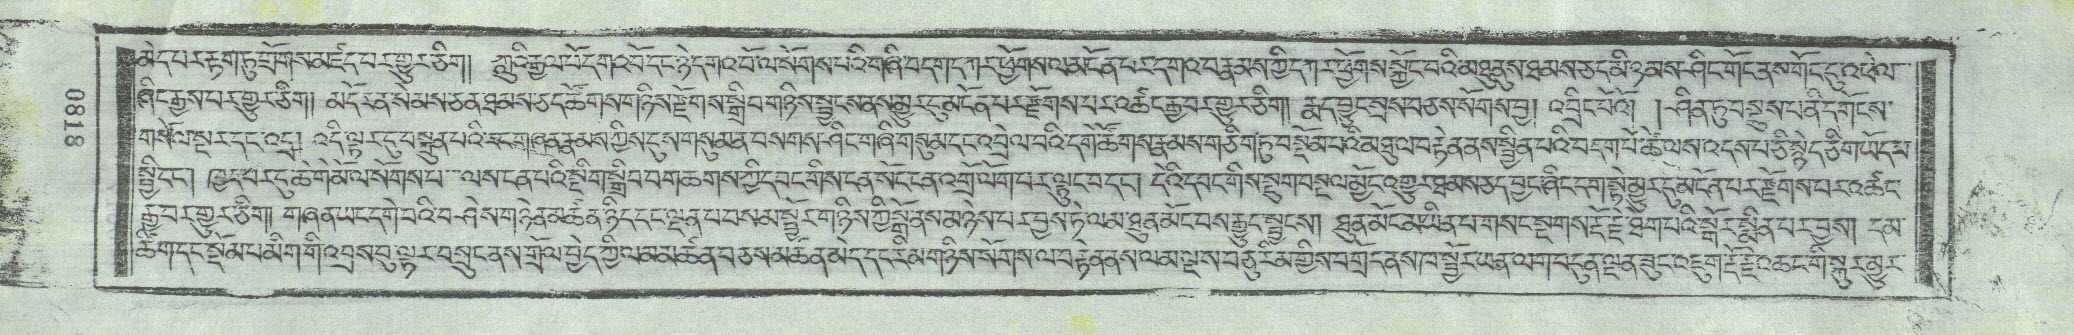མེད་པར་རྟག་ཏུ་གྲོགས་མཛད་པར་གྱུར་ཅིག །ཀླུའི་རྒྱལ་པོ་དགའ་བོ་དང་ཉེ་དགའ་པོ་ལ་སོགས་པའི་གཞི་བདག་དཀར་ཕྱོགས་ལ་མངོན་པར་དགའ་བ་རྣམས་ཀྱི་དཀར་ཕྱོགས་སྐྱོང་བའི་མཐུ་ནུས་ཐམས་ཅད་མི་ཉམས་ཤིང་གོང་ནས་གོང་དུ་འཕེལ་
ཞིང་རྒྱས་པར་འགྱུར་ཅིག །མདོར་ན་སེམས་ཅན་ཐམས་ཅད་ཚོགས་གཉིས་རྫོགས་སྒྲིབ་གཉིས་སྦྱངས་ནས་མྱུར་དུ་མངོན་པར་རྫོགས་པར་འཚང་རྒྱ་བར་གྱུར་ཅིག །རྨད་བྱུང་སྲས་བཅས་སོགས་བྱས། འབྲིང་པོའོ། །ཤིན་ཏུ་བསྡུས་པ་ནི་དགོ་པས་
གསོལ་སྔར་དང་འདྲ། འདི་ལྟར་དུ་བསྐྲུན་པའི་རང་གཞན་རྣམས་ཀྱིས་དུས་གསུམ་ན་བསགས་ཤིང་གཞི་གསུམ་དང་འབྲེལ་བའི་དགེ་ཚོགས་རྣམས་གཅིག་ཏུ་བསྡོམ་པའི་མཐུ་ལ་བརྟེན་ནས་སྦྱིན་པའི་བདག་པོ་ཚེ་ལས་འདས་པ་ཅི་སྙེད་ཅིག་པོ་དང་
སྤྱི་དང་། ཁྱད་པར་དུ་ཆེ་གེ་སོལ་སོགས་པ་ལས་ངན་པའི་སྡིག་སྒྲིབ་བག་ཆགས་ཀྱི་དབང་གིས་ངན་སོང་ངན་འགྲོ་ལོག་པར་ལྟུང་བ་དང་། དེའི་དབང་གིས་སྡུག་བསྔལ་མྱོང་འགྱུར་ཐམས་ཅད་བྱང་ཞིང་དག་སྟེ་མྱུར་དུ་མངོན་པར་རྫོགས་པར་འཚད་
རྒྱ་བར་གྱུར་ཅིག །གཞན་ཡང་དགེ་བའི་བཤེས་གཉེན་མཚན་ཉིད་དང་ལྡན་པ་བསམ་སྦྱོར་གཉིས་ཀྱི་སྒོ་ནས་མཉེས་པར་བྱས་ཏེ་ལམ་ཐུན་མོང་བས་རྒྱུད་སྦྱངས། ཐུན་མོང་མ་ཡིན་པ་གསང་སྔགས་རྡོ་རྗེ་ཐག་པའི་སྒོར་སྨིན་པར་བྱས། དམ་
ཚིག་དང་སྡོམ་པ་མིག་གི་འབྲས་བུ་ལྟར་བསྲུང་ནས་གྲོལ་བྱེད་ཀྱི་ལམ་མཚན་བཅས་མཚན་མེད་དང་རིམ་གཉིས་སོགས་ལ་བརྟེན་ནས་ལམ་ལྔས་བཅུ་རིམ་གྱིས་བགྲོང་ནས་ཁ་སྦྱོར་ཡན་ལག་བདུན་ལྡན་ཟུང་འཇུག་རྡོ་རྗེ་འཆང་གི་སྐུར་མྱུར་